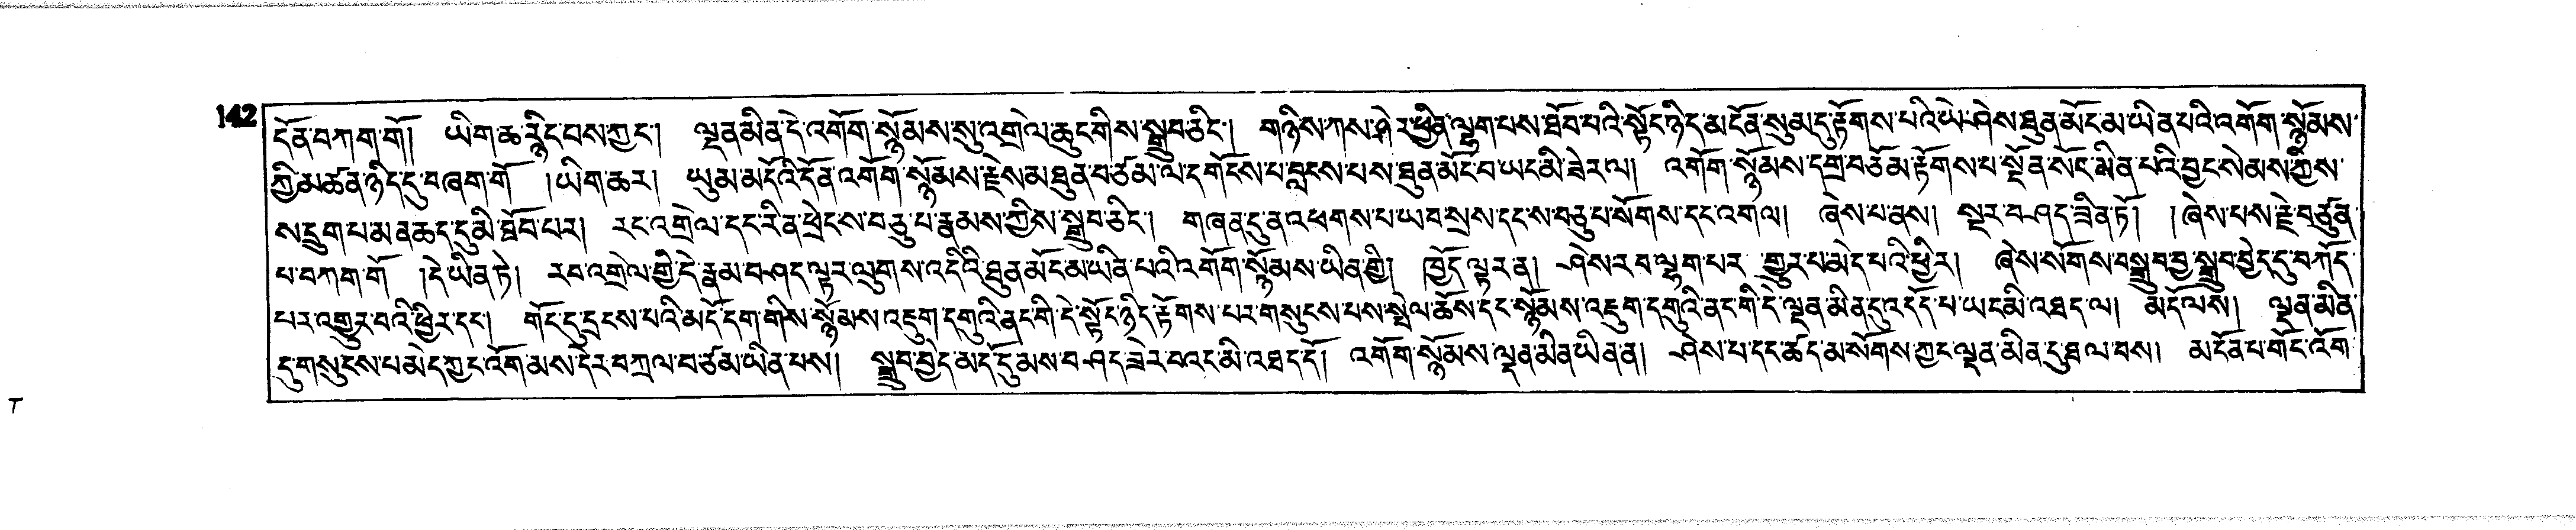དོན་བཀག་གོ། ཡིག་ཆ་རྙིང་བས་ཀྱང་། ལྡན་མིན་དེ་འགོག་སྙོམས་སུ་འགྲེལ་ཆུང་གིས་སྒྲུབ་ཅིང་། གཉིས་ཀས་ཤེར་ཕྱིན་ལྷག་པས་ཐོབ་པའི་སྟོང་ཉིད་མངོན་སུམ་དུ་རྟོགས་པའི་ཡེ་ཤེས་ཐུན་མོང་མ་ཡིན་པའི་འགོག་སྙོམས་
ཀྱི་མཚན་ཉིད་དུ་བཞག་གོ །ཡིག་ཆར། ཡུམ་མདོའི་དོན་འགོག་སྙོམས་རྗེས་མཐུན་བ་ཙམ་ལ་དགོངས་པ་བླངས་པས་ཐུན་མོང་བ་ཡང་མི་ཟེར་ལ། འགོག་སྙོམས་དགྲ་བཅོམ་རྟོགས་པ་སྔོན་སོང་མིན་པའི་བྱང་སེམས་ཀྱིས་
ས་དྲུག་པ་མན་ཆད་དུ་མི་ཐོབ་པར། རང་འགྲེལ་དང་རིན་ཕྲེང་ས་བཅུ་པ་རྣམས་ཀྱིས་སྒྲུབ་ཅིང་། གཞན་དུ་ན་འཕགས་པ་ཡབ་སྲས་དང་ས་བཅུ་པ་སོགས་དང་འགལ། ཞེས་པ་ནས། སྔར་བཤད་ཟིན་ཏོ། །ཞེས་པས་རྗེ་བཙུན་
པ་བཀག་གོ །དེ་ཡིན་ཏེ། རབ་འགྲེལ་གྱི་དེ་རྣམ་བཤད་ལྟར་ལུགས་འདིའི་ཐུན་མོང་མ་ཡིན་པའི་འགོག་སྙོམས་ཡིན་གྱི། ཁྱོད་ལྟར་ན། ཤེས་རབ་ལྷག་པར་གྱུར་པ་མེད་པའི་ཕྱིར། ཞེས་སོགས་བསྒྲུབ་བྱ་སྒྲུབ་བྱེད་དུ་བཀོད་
པར་འགྱུར་བའི་ཕྱིར་དང་། གོང་དུ་དྲངས་པའི་མདོ་དག་གིས་སྙོམས་འཇུག་དགུའི་ནང་གི་དེ་སྟོང་ཉིད་རྟོགས་པར་གསུངས་པས་སྤེལ་ཆོས་དང་སྙོམས་འཇུག་དགུའི་ནང་གི་དེ་ལྡན་མིན་དུ་འདོད་པ་ཡང་མི་འཐད་ལ། མདོ་ལས། ལྡན་མིན་
དུ་གསུངས་པ་མེད་ཀྱང་འོག་མས་དེར་བཀྲལ་བ་ཙམ་ཡིན་པས། སྒྲུབ་བྱེད་མདོ་དུ་མས་བཤད་ཟེར་བའང་མི་འཐད་དོ། འགོག་སྙོམས་ལྡན་མིན་ཡིན་ན། ཤེས་པ་དང་ཚད་མ་སོགས་ཀྱང་ལྡན་མིན་དུ་ཐལ་བས། མངོན་པ་གོང་འོག་